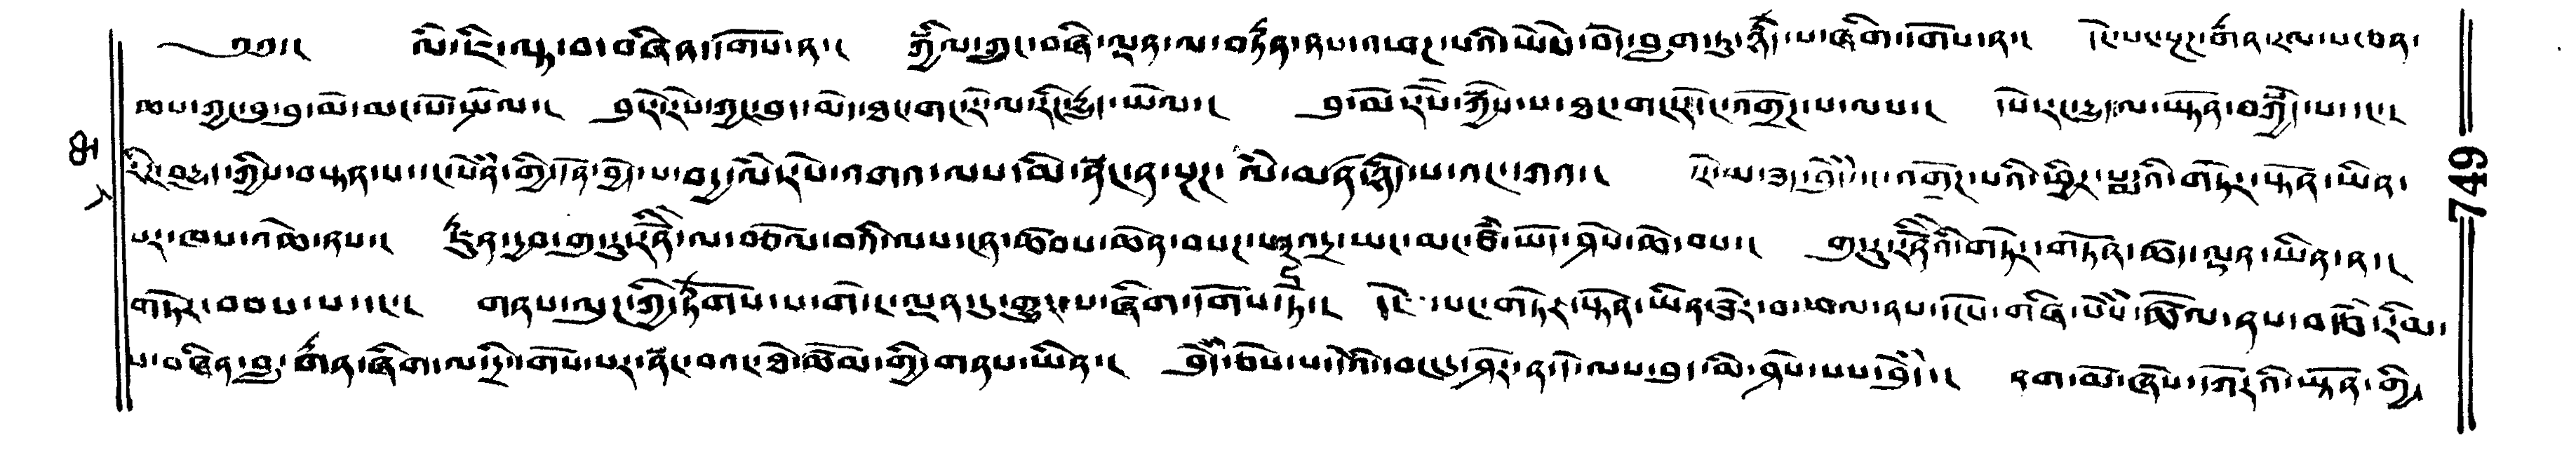ལམ་ཇི་ལྟ་བ་བཞིན་དགོས་ན། སྐྱིལ་ཀྲུང་བཞི་ལྡན་ལ་བརྟེན་ནས་འཕགས་པའི་ཡེ་ཤེས་བདེ་བླག་ཏུ་རྙེད་པ་ཞིག་དགོས། དེང་སང་སྔགས་རྒན་རལ་པ་ཅན་
ཚོས་ཀྱང་བུ་བུ་མོ་མང་པོ་སྤེལ། བུ་རེ་རེས་ཀྱང་བུད་མེད་ཐང་གང་རེ་ལ་རིགས་རྒྱུད་སྤེལ། བུ་མོ་རེ་རེས་སྐྱེས་པ་ཐང་གང་རེ་དང་འགྲོགས་པ་ལས། དེས་རང་རྒྱུད་ལ་ཡོན་ཏན་བསྐྱེད་པ་དང་། 
རིགས་བརྒྱུད་ཀྱིས་བསྟན་པ་དང་སེམས་ཅན་གྱི་དོན་བྱེད་པ་བརྒྱ་ལམ་རེས་འགའ་ལས་མི་སྣང་ན་སྔགས་ལམ་མཚན་ཉིད་པ་འང་དཀའ། དེར་མ་ཟད་བུད་མེད་དང་འགྲོགས་པའི་ཕྱིར་པདྨའི་གཏེར་སྟོན་ཡིན་
པར་ཁས་འཆེ་ནས། རྫུན་རྒྱབ་གུ་རུ་རིན་པོ་ཆེ་ལ་བཅོལ་བའི་ལས་ངན་ཚབས་ཆེན་གསོག་པ་དེ་འདྲ་ཡང་མང་ཙམ་ཡོད་ཤས་ཆེ་བས། གུ་རུ་རིན་པོ་ཆེའི་གཏེར་སྟོན་ཚད་ལྡན་ཡིན་ན། 
གཏེར་བབས་པ་དང་ གནས་ལུགས་ཀྱི་རྟོགས་པ་གདེང་ལྡན་དུ་འགྱུར་པ་ཞིག་དགོས་ཏེ། དེང་སང་གཏེར་སྟོན་ཡིན་ཟེར་བ་ཕལ་ནས་དངོས་གཞི་སེམས་འཚོལ་ནས་བརྩམས་རིམ་
པ་བཞིན་བླ་རྒན་ཞིག་ལ་དྲི་དགོས་པར་སྣང་བའང་ཐེ་ཚོམ་གྱི་གནས་ཡིན།བུད་མེད་ཅེས་པ་དེའི་དབང་དུ་ཤོར་ན་དེ་ལས་བུད་མི་ཤེས་པས་བུད་མེད། ནག་མོ་ཞེས་དཀར་པོའི་ཡོན་ཏན་གྱི་